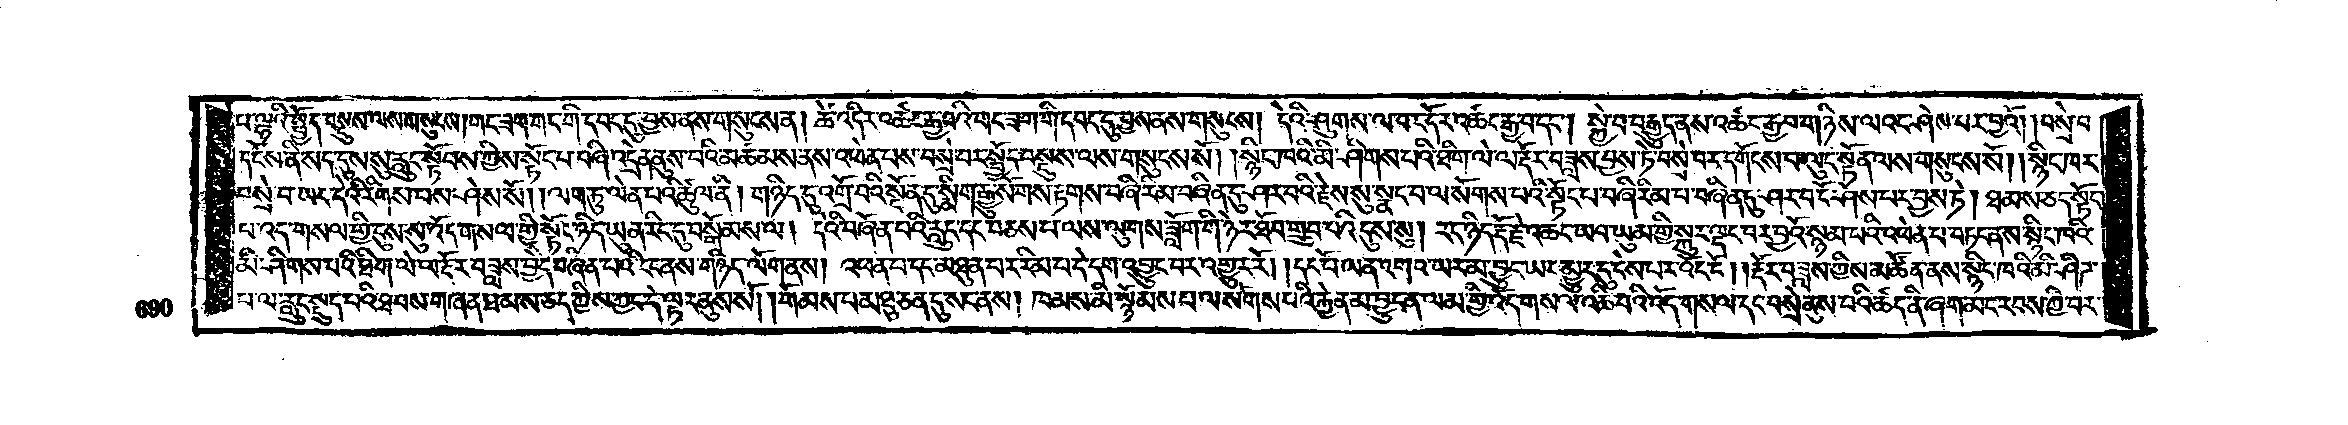པ་ལྷའི་སྤྱོད་བསྡུས་ལས་གསུངས། གང་ཟག་གང་གི་དབང་དུ་བྱས་ནས་གསུངས་ན། ཚེ་འདིར་འཚང་རྒྱ་བའི་གང་ཟག་གི་བང་དུ་བྱས་ནས་གསུངས། དེའི་ཤུགས་ལ་བར་དོར་འཚང་རྒྱ་བ་དང་། སྐྱེ་བ་བརྒྱུད་ནས་འཚང་རྒྱ་བ་གཉིས་ལའང་ཤས་པར་བྱའོ། །བསྲེ་བ་
དངོས་ནི་སད་དུས་སུ་རླུང་སྟོབས་ཀྱིས་སྟོང་པ་བཞི་འདྲེན་ནུས་པའི་མཚམས་ནས་འཕེན་པས་བསྲེ་བར་སྤྱོད་བསྡུས་ལས་གསུངས་སོ། །སྙིང་ཁའི་མི་ཤིགས་པའི་ཐིག་ལེ་ལ་རྡོར་བཟླས་བྱས་ཏེ་བསྲེ་བར་དགོངས་པ་ལུང་སྟོན་ལས་གསུངས་སོ། །སྙིང་ཁར་
བསྲེ་བ་ཡང་དེའི་རིགས་པས་ཤེས་སོ། །ལག་ཏུ་ལེན་པའི་ཚུལ་ནི། གཉིད་དུ་འགྲོ་བའི་སྔོན་དུ་སྨིག་རྒྱུ་སོགས་རྟགས་བཞི་རིམ་བཞིན་དུ་ཤར་བའི་རྗེས་སུ་སྣང་བ་ལ་སོགས་པའི་སྟོང་པ་བཞི་རིམ་པ་བཞིན་དུ་ཤར་བ་ངོ་ཤེས་པར་བྱས་ཏེ། ཐམས་ཅད་སྟོང་
པ་འོད་གསལ་གྱི་དུས་སུ་འོད་གསལ་གྱིས་སྟོང་ཉིད་ཡུན་རིང་དུ་བསྒོམས་ལ། དེའི་བཞོན་པའི་རླུང་དང་བཅས་པ་ལས་ལུགས་ཟློག་གི་ཉེར་ཐོབ་གྲུབ་པའི་དུས་སུ། རང་ཉིད་རྡོ་རྗེ་འཆང་ཡབ་ཡུམ་གྱི་སྐུར་ལྡང་བར་བྱའོ་སྙམ་པའི་འཕེན་པ་བཏང་ནས་སྙིང་ཁའི་
མི་ཤིགས་པའི་ཐིག་ལེ་ལ་རྡོར་བཟླས་བྱེད་བཞིན་པའི་ངང་ནས་གཉིད་ལོག་ནས། འཕན་པ་དང་མཐུན་པར་རིམ་པ་དེ་དག་འབྱུང་བར་འགྱུར་རོ། །དང་པོ་ལན་འགའ་ཡར་མ་བྱུང་ཡང་མྱུར་དུ་ངེས་པར་འང་ངོ་?། །རྡོར་བཟླས་ཀྱིས་མཚོན་ནས་སྙིང་ཁའི་མི་ཤིགས་
པ་ལ་རླུང་སྡུད་པའི་ཐབས་གཞན་ཐམས་ཅད་ཀྱིས་ཀྱང་དེ་ལྟར་ནུས་སོ། །གོམས་པ་མཐུ་ཅན་དུ་སོང་ནས། ཁམས་མི་སྙོམས་པ་ལ་སོགས་པའི་རྐྱེན་མ་བྱུང་ན་ལམ་གྱི་འོད་གསལ་འཆི་བའི་འོད་གསལ་དང་བསྲེ་ནུས་པའི་ཚད་ནི་ཞག་མང་རབས་ཀྱི་བར་